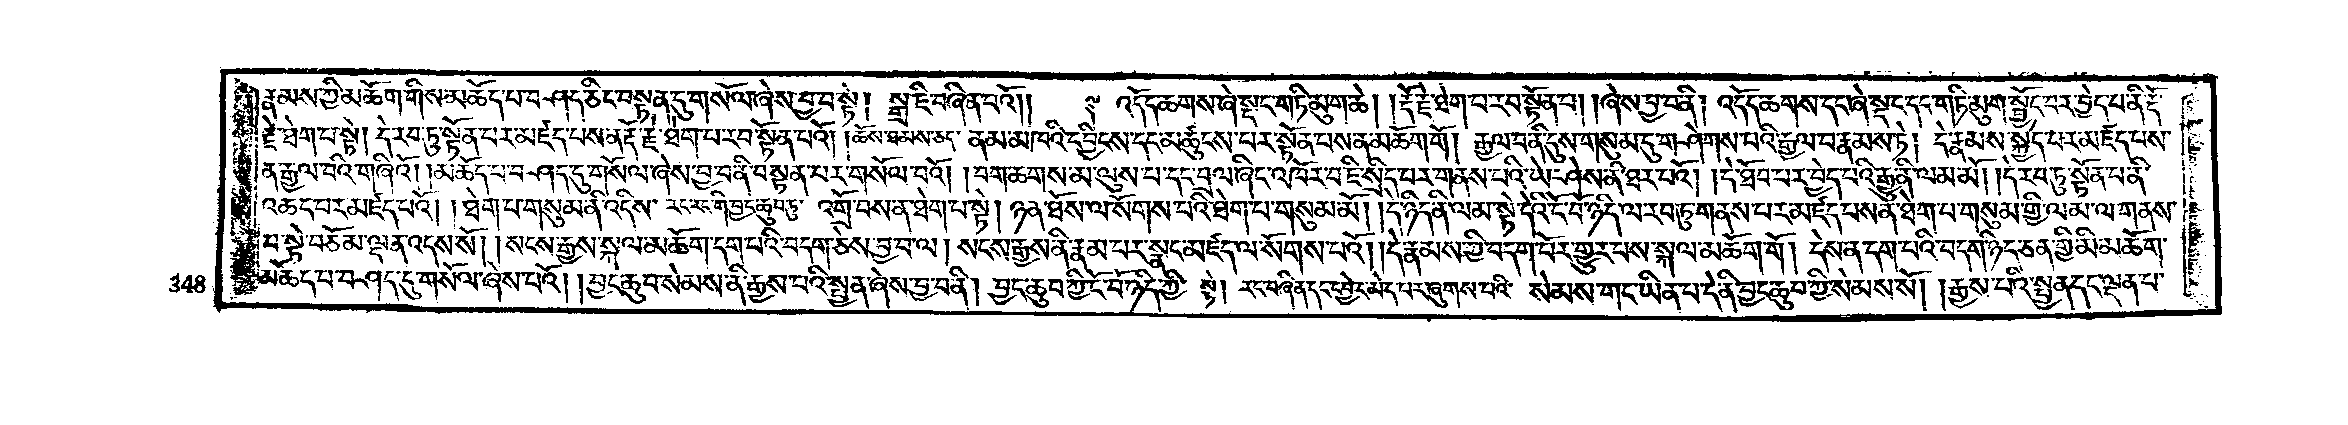རྣམས་ཀྱི་མཆོག་གིས་མཆོད་པ་བཤད་ཅིང་བསྟན་དུ་གསོལ་ཞེས་བྱ་བ་སྟེ། སྒྲ་ཇི་བཞིན་པའོ།། ༈ འདོད་ཆགས་ཞེ་སྡང་གཏི་མུག་ཆེ། །རྡོ་རྗེ་ཐེག་པ་རབ་སྟོན་པ། །ཞེས་བྱ་བ་ནི། འདོད་ཆགས་དང་ཞེ་སྡང་དང་གཏི་མུག་སྦྱོང་བར་བྱེད་པ་ནི་རྡོ་
རྗེ་ཐེག་པ་སྟེ། དེ་རབ་ཏུ་སྟོན་པར་མཛད་པས་ན་རྡོ་རྗེ་ཐེག་པ་རབ་སྟོན་པའོ། ། ཆོས་ཐམས་ཅད་ནམ་མཁའི་དབྱིངས་དང་མཚུངས་པར་སྟོན་པས་ན་མཆོག་གོ །རྒྱལ་བ་ནི་དུས་གསུམ་དུ་གཤེགས་པའི་རྒྱལ་བ་རྣམས་ཏེ། དེ་རྣམས་སྐྱེད་པར་མཛད་པས་
ན་རྒྱལ་བའི་གཞིའོ། །མཆོད་པ་བཤད་དུ་གསོལ་ཞེས་བྱ་བ་ནི་བསྟན་པར་གསོལ་བའོ། །བག་ཆགས་མ་ལུས་པ་དང་བྲལ་ཞིང་འཁོར་བ་ཇི་སྲིད་པར་གནས་པའི་ཡེ་ཤེས་ནི་ཐར་པའོ། །དེ་ཐོབ་པར་བྱེད་པའི་རྒྱུ་ནི་ལམ་མོ། །དེ་རབ་ཏུ་སྟེན་པ་ནི་
འཆད་པར་མཛད་པའོ། །ཐེག་པ་གསུམ་ནི་འདིས་རང་རང་གི་བྱང་ཆུབ་ཏུ་འགྲོ་བས་ན་ཐེག་པ་སྟེ། ཉན་ཐོས་ལ་སོགས་པའི་ཐེག་པ་གསུམ་མོ། །དེ་ཉིད་ནི་ལམ་སྟེ་དེའི་ངོ་བོ་ཉིད་ལ་རབ་ཏུ་གནས་པར་མཛད་པས་ན་ཐེག་པ་གསུམ་གྱི་ལམ་ལ་གནས་
པ་སྟེ་བཅོམ་ལྡན་འདས་སོ། །སངས་རྒྱས་སྐལ་མཆོག་དག་པའི་བདག་ཅེས་བྱ་བ་ལ། སངས་རྒྱས་ནི་རྣམ་པར་སྣང་མཛད་ལ་སོགས་པའོ། །དེ་རྣམས་ཀྱི་བདག་པོར་གྱུར་པས་སྐལ་མཆོག་གོ །དེས་ན་དག་པའི་བདག་ཉིད་ཅན་གྱི་མི་མཆོག་
མཆོད་པ་བཤད་དུ་གསོལ་ཞེས་པའོ། །བྱང་ཆུབ་སེམས་ནི་རྒྱས་པའི་སྤྱན་ཞེས་བྱ་བ་ནི། བྱང་ཆུབ་ཀྱི་ངོ་བོ་ཉིད་ཀྱི་སྟེ། རང་བཞིན་དང་དབྱེར་མེད་པར་ཞུགས་པའི་སེམས་གང་ཡིན་པ་དེ་ནི་བྱང་ཆུབ་ཀྱི་སེམས་སོ། །རྒྱས་པའི་སྤྱན་དང་ལྡན་པ་